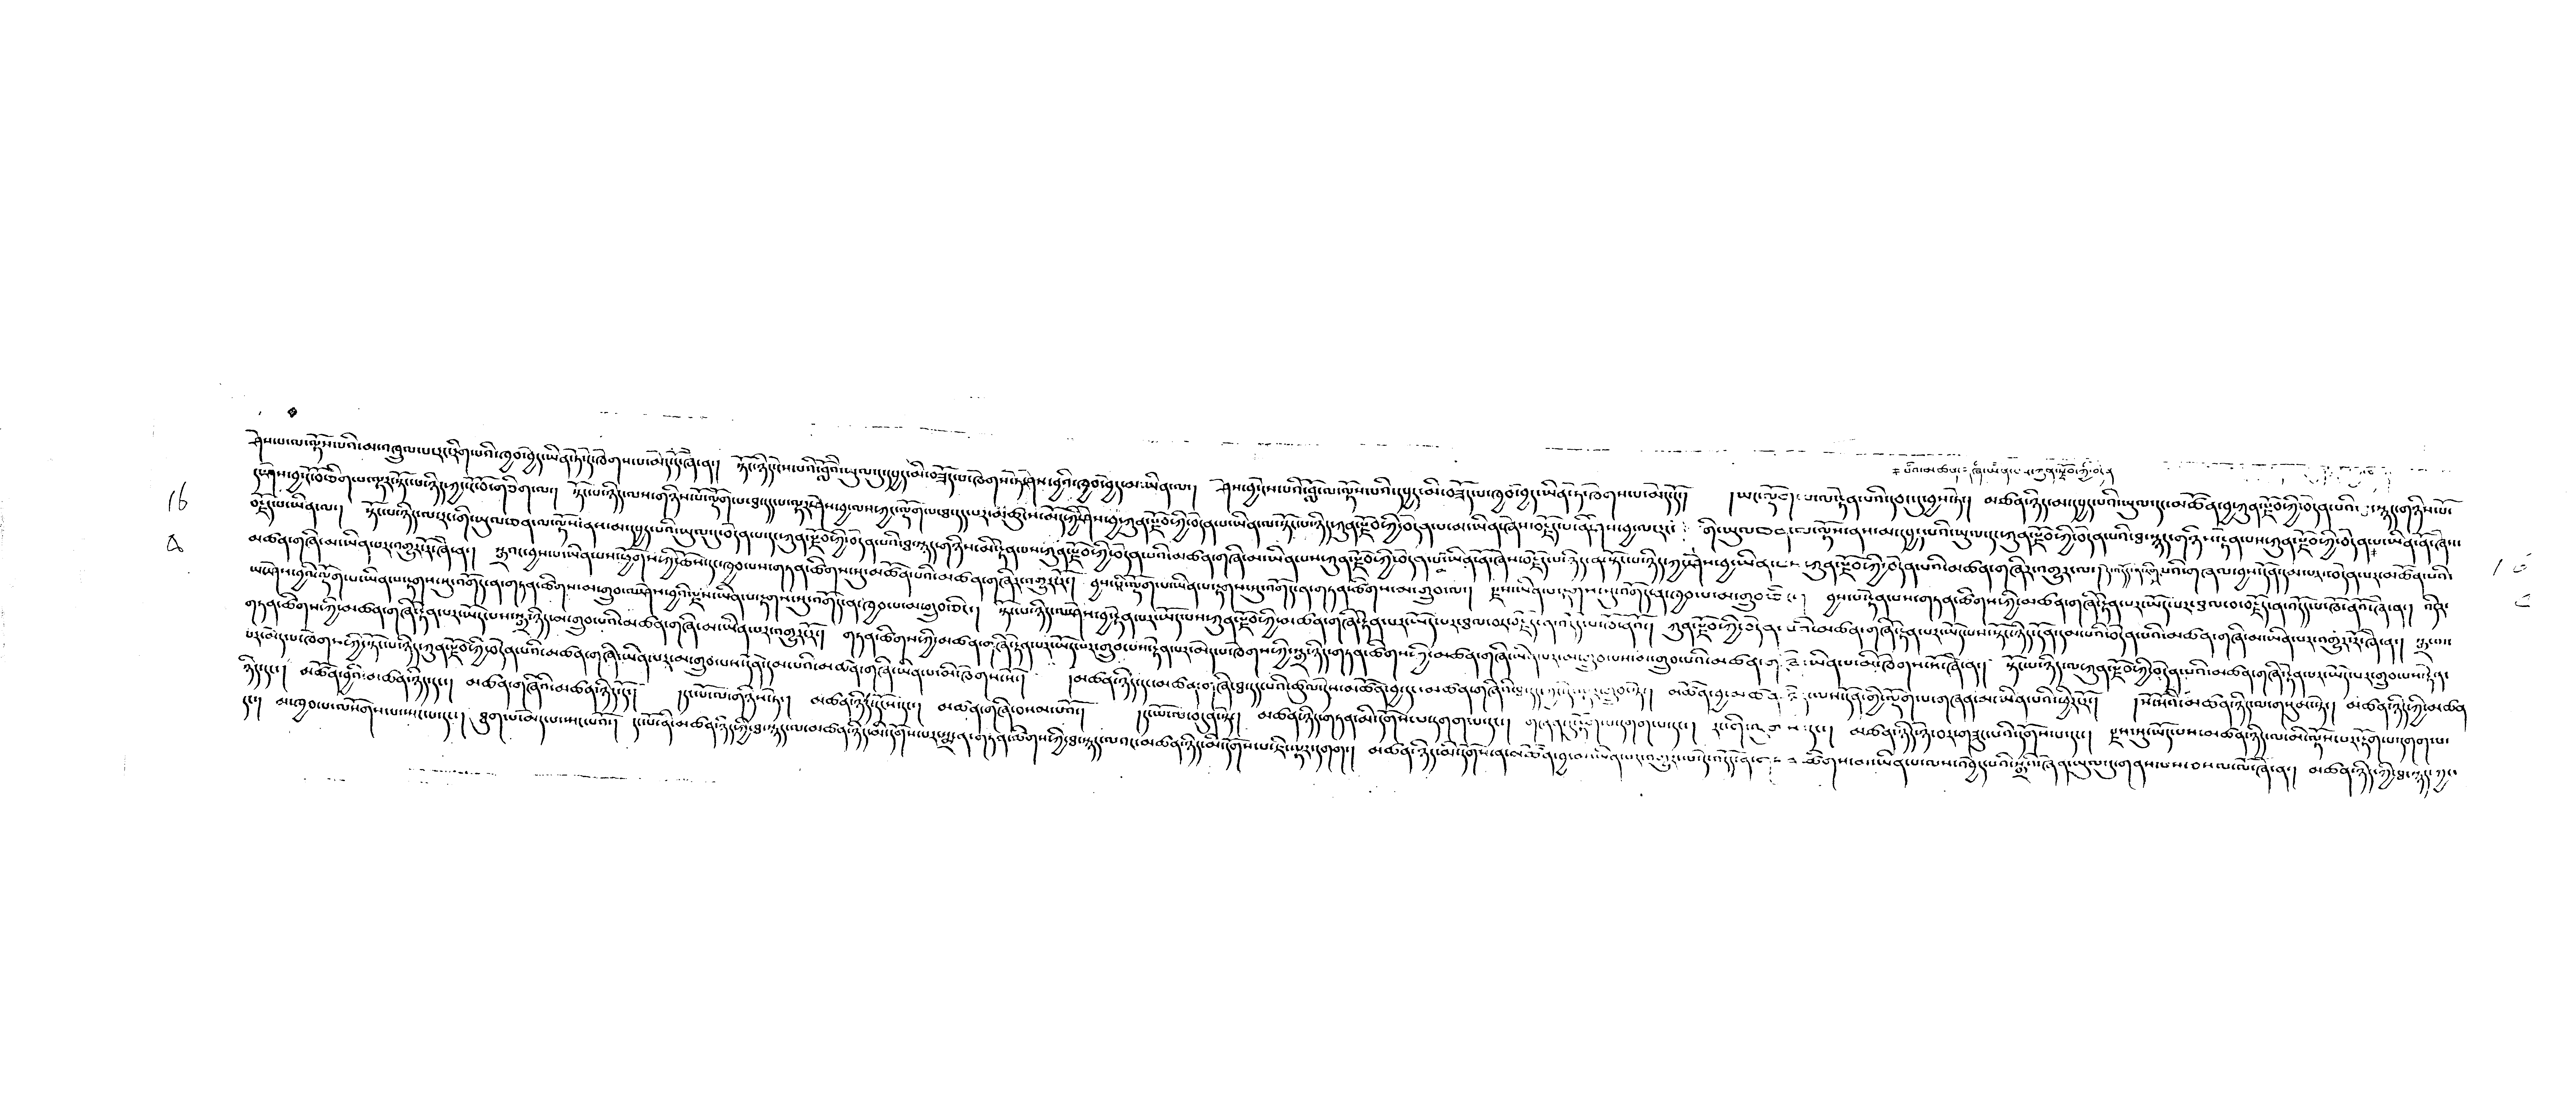ཤེས་པ་ལ་ལྟོས་པའི་མ་འཁྲུལ་པ་རང་རིག་པའི་ཁྱབ་བྱེད་ཡིན་ཏེ་དེ་ཁེགས་པ་མེད་དོ་ཞེ་ན། སྟོང་ཉིད་ངེས་པའི་བློའི་ཡུལ་དུ་དཔྱད་མི་བཟོད་པ་ཁེགས་ཏེ་ཤེས་བྱའི་ཁྱབ་བྱེད་མ་ཡིན་ལ། ཤེས་བྱ་ངེས་པའི་བློ་ལ་ལྟོས་པའི་དཔྱད་མི་བཟོད་པ་ཁྱབ་བྱེད་ཡིན་ཏེ་ཁེགས་པ་མེད་དོ། །ཡང་ལྡོག་པ་ལ་རྟེན་པའི་དབང་དུ་བྱས་ཏེ། མཚན་ཉིད་མ་དཔྱད་པའི་ཡུལ་དང་མཚོན་བྱ་ཀུན་རྫོབ་ཀྱི་བདེན་པའི་ཐ་སྙད་གཉིས་པོ་
དང་ཤེས་བྱ་ངོ་བོ་ཅིག་པ་ལྟར་སྟོང་པ་ཉིད་ཀྱང་ངོ་བོ་གཅིག་ལ། སྟོང་པ་ཉིད་ལས་གཉིས་པོ་ལྡོག་པ་ཐ་དད་པ་ལྟར་ཤེས་བྱ་ལས་ཀྱང་ལྡོག་པ་ཐ་དད་པར་མཚུངས་མེད་ཀྱི་ཤེས་བྱ་ཀུན་རྫོབ་ཀྱི་བདེན་པ་ཡིན་ལ་སྟོང་པ་ཉིད་ཀུན་རྫོབ་ཀྱི་བདེན་པ་མ་ཡིན་ཞེས་བརྗོད་པ་ནི་ཤེས་བྱ་ལ་རང་གི་ཡུལ་ཅན་ལ་ལྟོས་ནས་མ་དཔྱད་པའི་ཡུལ་དང་ཀུན་རྫོབ་ཀྱི་བདེན་པའི་ཐ་སྙད་གཉིས་རྟེན་པས་ཀུན་རྫོབ་ཀྱི་བདེན་པ་ཡིན་ནོ་ཞེས་
བརྗོད་པ་ཡིན་ལ། སྟོང་པ་ཉིད་ལ་རང་གི་ཡུལ་ཅན་ལ་ལྟོས་ནས་མ་དཔྱད་པའི་ཡུལ་དུ་བདེན་པ་དང་ཀུན་རྫོབ་ཀྱི་བདེན་པའི་ཐ་སྙད་གཉིས་མི་རྟེན་པས་ཀུན་རྫོབ་ཀྱི་བདེན་པའི་མཚན་གཞི་མ་ཡིན་པས་ཀུན་རྫོབ་ཀྱི་བདེན་པ་མ་ཡིན་ནོ་ཞེས་བརྗོད་པ་ཉིད་ན་སྟོང་པ་ཉིད་ཀྱང་ཞེས་བྱ་ཡིན་པས་ཀུན་རྫོབ་ཀྱི་བདེན་པའི་མཚན་གཞིར་འགྱུར་ལ། དེ་འདོད་ན་རིགས་པའི་གཞལ་བྱས་དོན་དམ་པར་བདེན་པར་མཚོན་པའི་
མཚན་གཞི་མ་ཡིན་པར་འགྱུར་རོ་ཞེ་ན། སྒྲའང་བྱས་པ་ཡིན་པས་ཕྱོགས་ཀྱི་ཆོས་དང་ཁྱབ་པས་གཏན་ཚིགས་སུ་མཚོན་པའི་མཚན་གཞིར་འགྱུར་རོ། བྱས་པའི་ལྡོག་པ་ཡིན་པ་རྟགས་སུ་འགོད་ན་གཏན་ཚིགས་མ་གྲུབ་ལ། རྫས་ཡིན་པ་རྟགས་སུ་འགོད་ན་ཁྱབ་པ་མ་གྲུབ་ཅིང་། བྱས་པ་རྟེན་པས་གཏན་ཚིགས་ཀྱི་མཚན་གཞི་རྟེན་པར་ཡོད་པར་ཐལ་བ་བརྗོད་ན་འདོད་པ་ཁོ་ནའོ་ཞེ་ན། འདིར་
ཡང་ཤེས་བྱའི་ལྡོག་པ་ཡིན་པ་རྟགས་སུ་འགོད་ན་གཏན་ཚིགས་མ་གྲུབ་ལ་ཤེས་བྱའི་རྫས་ཡིན་པ་རྟགས་སུ་འགོད་ན་ཁྱབ་པ་མ་གྲུབ་ཅིང་། སྟོང་པ་ཉིད་ལ་ཤེས་བྱ་རྟེན་པར་ཡོད་པས་ཀུན་རྫོབ་ཀྱི་མཚན་གཞི་རྟེན་པར་ཡོད་པར་ཐལ་བར་བརྗོད་ན་འདོད་པ་ཁོ་ནའོ། ཀུན་རྫོབ་ཀྱི་བདེན་པའི་མཚན་གཞི་རྟེན་པར་ཡོད་པས་སྟོང་ཉིད་དོན་དམ་པའི་བདེན་པའི་མཚན་གཞི་མ་ཡིན་པར་འགྱུར་རོ་ཞེ་ན། སྒྲ་མ་
གཏན་ཚིགས་ཀྱི་མཚན་གཞི་རྟེན་པར་ཡོད་པས་སྒྲ་ཉིད་མ་གྲུབ་པའི་མཚན་གཞི་མ་ཡིན་པར་འགྱུར་རོ། གཏན་ཚིགས་ཀྱི་མཚན་གཞི་རྟེན་པར་ཡོད་པར་གྲུབ་པས་རྟེན་པར་མེད་པ་ཁེགས་ཀྱི་སྒྲ་ཉིད་གཏན་ཚིགས་ཀྱི་མཚན་གཞི་ཡིན་པར་མ་གྲུབ་པས་མ་གྲུབ་པའི་མཚན་གཞི་ཡིན་པ་མི་ཁེགས་སོ་ཞེ་ན། སྟོང་པ་ཉིད་ལ་ཀུན་རྫོབ་ཀྱི་བདེན་པའི་མཚན་གཞི་རྟེན་པར་ཡོད་པར་གྲུབ་པས་རྟེན་
པར་མེད་པ་ཁེགས་ཀྱི་སྟོང་པ་ཉིད་ཀུན་རྫོབ་ཀྱི་བདེན་པའི་མཚན་གཞི་ཡིན་པར་མ་གྲུབ་པས་དོན་དམ་པའི་མཚན་གཞི་ཡིན་པ་མི་ཁེགས་སོ། །མཚན་ཉིད་དང་མཚན་གཞི་ཐ་དད་པའི་ཚུལ་དེས་མཚོན་བྱ་དང་མཚན་གཞིའི་ཐ་དད་ཀྱང་དེ་ལྟར་གྲུབ་སྟེ། མཚོན་བྱ་མཚན་ཉིད་ལས་དོན་གྱི་ལྡོག་པ་གཞན་མ་ཡིན་པའི་ཕྱིར་རོ། །སོ་སོའི་མཚན་ཉིད་མ་གསུམ་སྟེ། མཚན་ཉིད་ཀྱི་མཚན་
ཉིད་དང་། མཚོན་བྱའི་མཚན་ཉིད་དང་། མཚན་གཞིའི་མཚན་ཉིད་དོ། །དང་པོ་ལ་གཉིས་ཏེ། མཚན་ཉིད་དངོས་དང་། མཚན་གཞི་བསམ་པའོ། །དང་པོ་ལ་བདུན་སྟེ། མཚན་ཉིད་གཏན་མི་དགོས་པ་དགག་པ་དང་། གཞན་དུ་རྟོག་པ་དགག་པ་དང་། རང་གི་ལུགས་དང་། མཚན་ཉིད་ཉེ་བར་གཟུང་པའི་དགོས་པ་དང་། རྫས་སུ་ཡོད་པས་མཚན་ཉིད་ལ་མི་ལྟོས་པར་རྟོག་པ་དགག་པ་
དང་། མ་ཁྱབ་པ་ལ་སོགས་པ་སྤང་པ་དང་། ཐུག་པ་མེད་པ་སྤང་པའོ། དང་པོ་ནི་མཚན་ཉིད་ཀྱི་ཐ་སྙད་ལ་མཚན་ཉིད་མི་དགོས་པར་སྨྲ་ན་གཏན་ཚིགས་ཀྱི་ཐ་སྙད་ལའང་མཚན་ཉིད་མི་དགོས་པ་ཇི་ལྟར་དགག། མཚན་ཉིད་མི་དགོས་ན་མཚོན་བྱ་མ་ཡིན་པར་འགྱུར་ལ་དེ་འདོད་ན་གཏན་ཚིགས་མ་ཡིན་པ་ལས་འབྱེད་པའི་སྒྲའི་ཞེན་ཡུལ་དུ་གནས་པས་བསལ་ལོ་ཞེ་ན། མཚན་ཉིད་ཀྱི་ཐ་སྙད་ཀྱང་